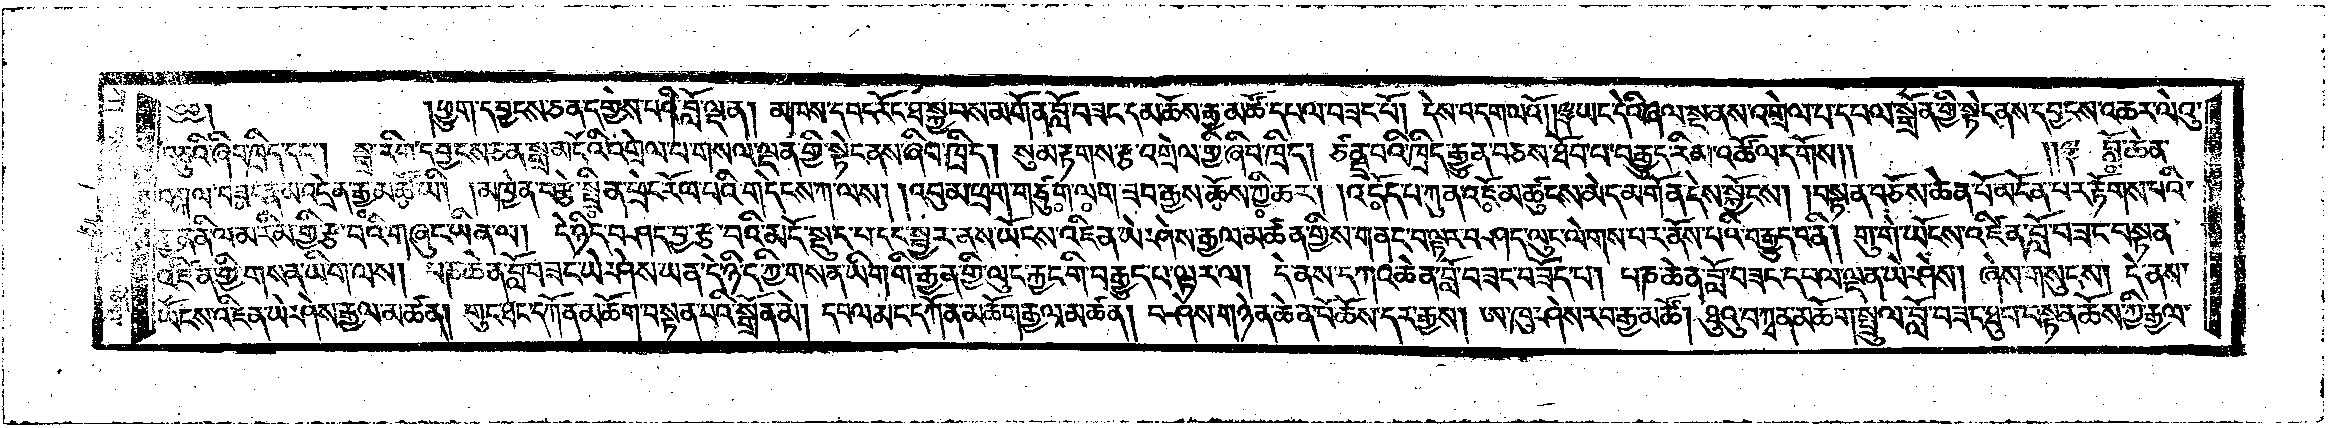༄༅། །ཕྱུག་དབྱངས་ཅན་དགྱེས་པའི་བློ་ལྡན། མཁས་དབང་རོང་ཐ་སྐྱབས་མགོན་བློ་བཟང་དམ་ཆོས་རྒྱ་མཚོ་དཔལ་བཟང་པོ། དེས་བདག་ལའོ།། ༈ ཡང་དེའི་ཞལ་སྔ་ནས་འགྲེལ་པ་དཔལ་སྒྲོན་གྱི་སྟེང་ནས་དབྱངས་འཆར་ལེའུ་
བཅུའི་ཞིབ་ཁྲིད་དང་། སྒྲ་རིག་དབྱངས་ཅན་སྒྲ་མདོའི་འགྲེལ་པ་གསལ་ལྡན་གྱི་སྟེང་ནས་ཞིབ་ཁྲིད། སུམ་རྟགས་རྩ་འགྲེལ་གྱི་ཞིབ་ཁྲིད། ཙནྡྲ་བའི་ཁྲིད་རྒྱུན་བཅས་ཐོབ་པ་བརྒྱུད་རིམ་འཚོལ་དགོས།། །། ༈ བློ་ཆེན་
བསྐལ་བཟང་རྣམ་འདྲེན་རྒྱ་མཚོ་ཡི། །མཁྱེན་བརྩེ་སྤྲིན་ཕྲེང་རོལ་པའི་གདེངས་ཀ་ལས། །འབུམ་ཕྲག་གཙུག྾་ལག྾་ཟབ་རྒྱས་ཆོས྾་ཀྱི྾་ཆར། །འདོད྾་པ་ཀུན་འཇོ྾་མཚུངས་མེད་མགོན་དེས་སྐྱོངས། །བསྟན་བཅོས་ཆེན་པོ་མངོན་པར་རྟོགས་པའི་
རྒྱན་ནི་ལམ་རིམ་གྱི་རྩ་བའི་གཞུང་ཡིན་ལ། དེ་ཉིད་བཤད་བྱ་རྩ་བའི་མདོ་སྡུད་པ་དང་སྦྱར་ནས་ཡོངས་འཛིན་ཡེ་ཤེས་རྒྱལ་མཚན་གྱིས་གནང་བ་ལྟར་བཤད་ལུང་ལེགས་པར་ནོས་པའི་བརྒྱུད་བ་ནི། གུ་གེ་ཡོངས་འཛིན་བློ་བཟང་བསྟན་
འཛིན་གྱི་གསན་ཡིག་ལས། པཎ་ཆེན་བློ་བཟང་ཡེ་ཤེས་ཡན་དེ་ཉིད་ཀྱི་གསན་ཡིག་གི་རྒྱན་གྱི་ལུང་རྐྱང་གི་བརྒྱུད་པ་ལྟར་ལ། དེ་ནས་དཀའ་ཆེན་བློ་བཟང་བཟོད་པ། པཎ་ཆེན་བློ་བཟང་དཔལ་ལྡན་ཡེ་ཤེས། ཞེས་གསུངས། དེ་ནས་
ཡོངས་འཛིན་ཡེ་ཤེས་རྒྱལ་མཚན། གུང་ཐང་དཀོན་མཆོག་བསྟན་པའི་སྒྲོན་མེ། དཔལ་མང་དཀོན་མཆོག་རྒྱལ་མཚན། བཤེས་གཉེན་ཆེན་པོ་ཆོས་དར་རྒྱས། ཨ་ཁུ་ཤེས་རབ་རྒྱ་མཚོ། ཐུའུ་བཀྭན་མཆོག་སྤྲུལ་བློ་བཟང་ཐུབ་བསྟན་ཆོས་ཀྱི་རྒྱལ་